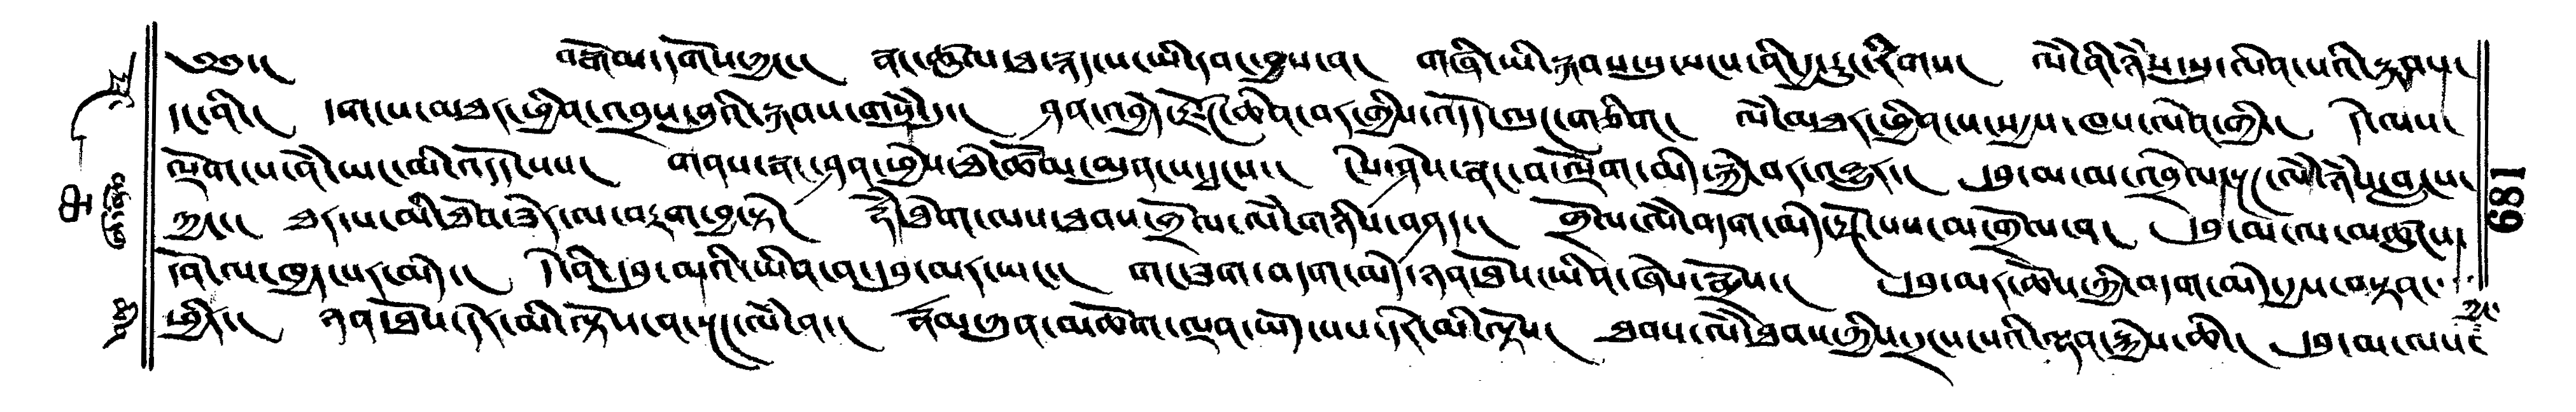བསྒོམ་དགོས་ཀྱང་། །སྣང་ཚུལ་ཐ་སྙད་པ་ཡི་དབང་བྱས་ན། །གཞི་ཡི་སྐབས་སུ་སངས་ནི་རྒྱ་རུང་རིགས། །ལམ་ནི་ཉམས་སུ་ལེན་པའི་སྐབས་
དང་ནི། །དག་པ་མཐར་ཕྱིན་འབྲས་བུའི་སྐབས་གསུམ་དུ། །ཤན་འབྱེད་རྫོགས་ཆེན་བར་གྱི་འདོད་ལུགས་གཅིག །ལམ་མཐར་ཕྱིན་པ་སངས་རྒྱས་ཁས་ལེན་གྱི། །དེ་ལས་
ལྡོག་པ་ནམ་ཡང་མི་འདོད་པས། །གནས་སྣང་ཤན་ཕྱེས་ཐེ་ཚོམ་མུན་པ་དྭངས། །ངེས་ཤེས་སྣང་བ་ལྡོག་མེད་སྐྱེ་བར་འགྱུར། །དབུ་མ་མ་འབྲེལ་སྔགས་ལམ་ཉམས་བླངས་
ཀྱང་། །ཐར་པ་མི་ཐོབ་ཟེར་ལ་བརྟག་བྱ་སྟེ། །རྡོ་རྗེ་ཐེག་ལས་ཐབས་གྲོལ་མ་གཉིས་བཤད། །གྲོལ་མ་བདག་མེད་རྟོགས་པས་མ་གྲོལ་ན། །དབུ་མ་ལ་མཚུངས་
དོན་ལ་ཁྱད་པར་མེད། །དེ་ནི་དབུ་མའི་ཡིན་ན་དབུ་མར་ཡང་། །གང་ཟག་བདག་མེད་ཉན་ཐོས་ཡིན་ཞེས་སྨྲོས། །དབུ་མར་ཆོས་ཀྱི་བདག་མེད་རྒྱས་བསྟན་
ཕྱིར། །ཉན་ཐོས་དེར་མི་ལྟོས་ན་སྔགས་ལམ་ན། །རྣམ་ཀུན་མཆོག་ལྡན་ཡོད་པས་དེར་མི་ལྟོས། །ཐབས་ལམ་ཐབས་ཀྱིས་དྲངས་པའི་ལྷན་སྐྱེས་ཆེ། །དབུ་མ་ལས་ཀྱང་